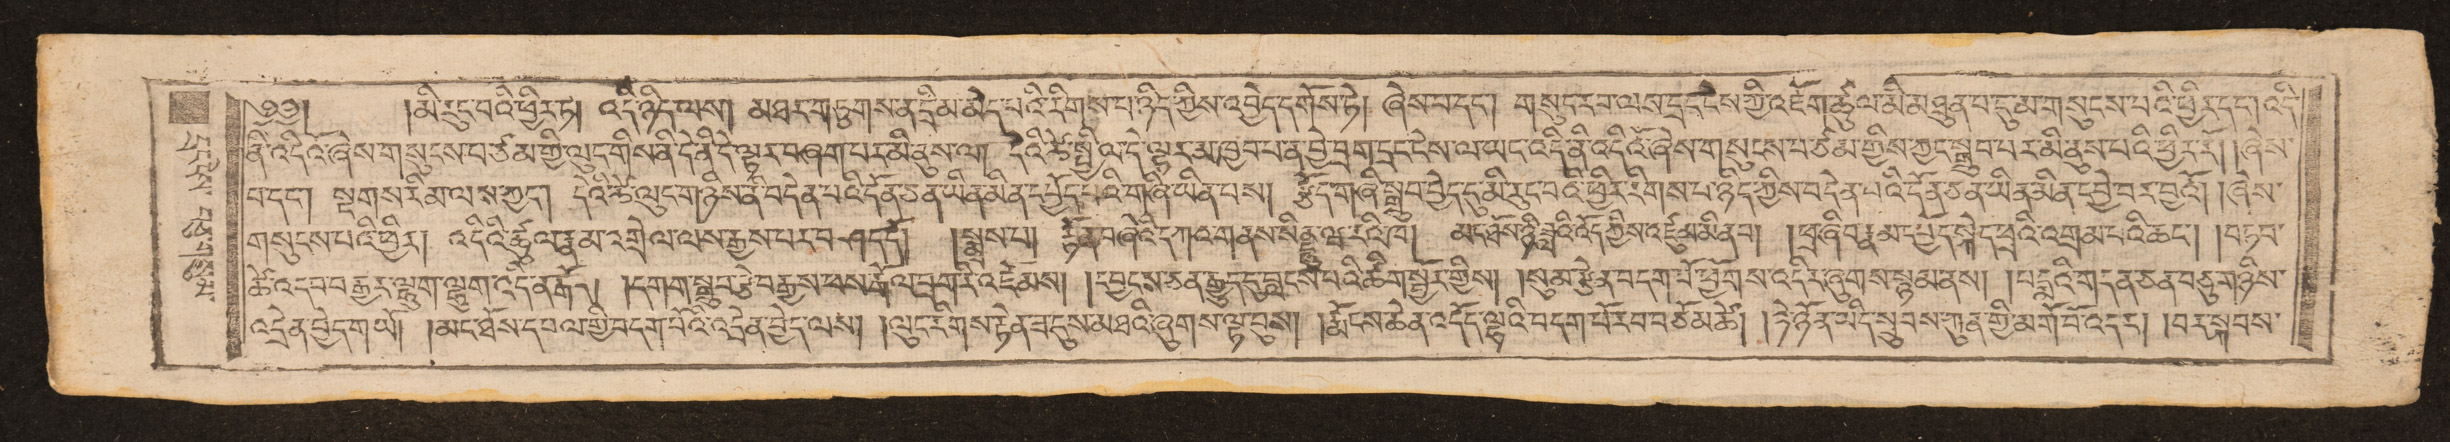༄༅། །མི་རུང་བའི་ཕྱིར་ཏེ། འདི་ཉིད་ལས། མཐར་གཏུགས་ན་དྲི་མ་མེད་པའི་རིགས་པ་ཉིད་ཀྱིས་འབྱེད་དགོས་ཏེ། ཞེས་པ་དང་། གསུང་རབ་ལས་དྲང་ངེས་ཀྱི་འཇོག་ཚུལ་མི་མཐུན་པ་དུ་མ་གསུངས་པའི་ཕྱིར་དང་། འདི་
ནི་འདིའོ་ཞེས་གསུངས་པ་ཙམ་གྱི་ལུང་གིས་ནི་དེ་ནི་དེ་ལྟར་བཞག་པར་མི་ནུས་ལ། དེའི་ཚེ་སྤྱི་ལ་དེ་ལྟར་མ་ཁྱབ་པ་ན་བྱེ་བྲག་དྲང་ངེས་ལ་ཡང་འདི་ནི་འདིའོ་ཞེས་གསུངས་པ་ཙམ་གྱིས་ཀྱང་སྒྲུབ་པར་མི་ནུས་པའི་ཕྱིར་རོ། །ཞེས་
པ་དང་། སྔགས་རིམ་ལས་ཀྱང་། དེའི་ཚེ་ལུང་གཉིས་ནི་བདེན་པའི་དོན་ཅན་ཡིན་མིན་དཔྱོད་པའི་གཞི་ཡིན་པས། རྩོད་གཞི་སྒྲུབ་བྱེད་དུ་མི་རུང་བའི་ཕྱིར་རིགས་པ་ཉིད་ཀྱིས་བདེན་པའི་དོན་ཅན་ཡིན་མིན་དབྱེ་བར་བྱའོ། །ཞེས་
གསུངས་པའི་ཕྱིར། འདིའི་ཚུལ་རྣམ་འགྲེལ་ལས་རྒྱས་པར་བཤད་དོ། །སྨྲས་པ། རྟོན་བཞིའི་དཀའ་གནས་སིནྡྷུ་ཝ་རའི་ཁ། མང་ཐོས་ཉི་ཟླའི་འོད་ཀྱིས་འཛུམ་མིན་པ། །ཕྲ་ཞིབ་རྣམ་དཔྱོད་སྐེད་ཕྲའི་འགྲམ་པའི་ཆང་། །བཏབ་
ཚེ་འདབ་བརྒྱར་ལྷུག་ལྷུག་འདི་ན་རྒོད། །དགག་སྒྲུབ་རྩེ་བརྒྱས་ཕས་རྒོལ་བྲག་རི་འཛོམས། །དབྱངས་ཅན་རྒྱུད་དུ་བླངས་པའི་ཚིག་སྦྱོར་གྱིས། །སུམ་རྩེན་བདག་པོ་ཕྱོགས་འདིར་ཞུགས་སྙམ་ནས། །པདམའི་གདན་ཅན་བཅུ་གཉིས་
འདྲེན་བྱེད་གཡོ། །མང་ཐོས་དཔལ་གྱི་བདག་པོའི་འདྲེན་བྱེད་ལས། །ལུང་རིགས་རྟེན་ཟ་དུས་མཐའི་ཞུགས་ལྟ་བུས། །རྨོངས་ཆེན་འདོད་ལྷའི་བདག་པོར་བ་བཅོམ་ཚེ། །ཉེ་ཉོན་ཡིད་སྲུབས་ཀུན་གྱི་མགོ་བོ་འདར། །བར་སྐབས་